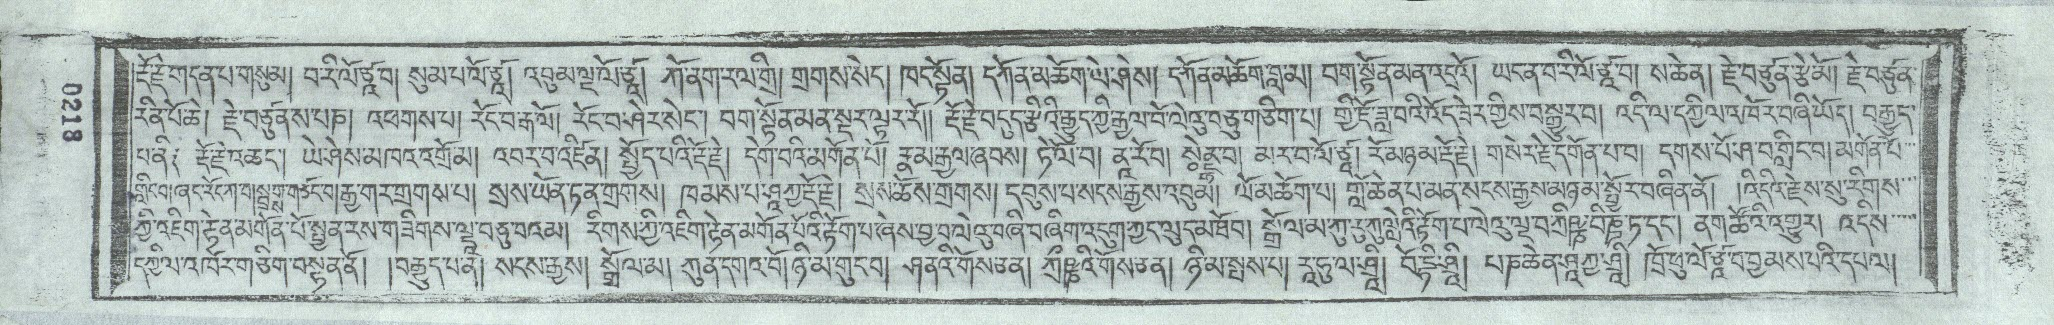རྡོ་རྗེ་གདན་པ་གསུམ། བ་རི་ལོ་ཙཱ། སུམ་པ་ལོ་ཙཱ། འབུམ་ལྔ་ལོ་ཙཱ། ཀོ་ནག་རལ་གྲི། གྲགས་སེང་། ཁང་སྟོན། དཀོན་མཆོག་ཡེ་ཤེས། དཀོན་མཆོག་བླ་མ། བག་སྟོན་མན་འདྲའོ། ཡང་ན་བ་རི་ལོ་ཙཱ་བ། ས་ཆེན། རྗེ་བཙུན་
རིན་པོ་ཆེ། རྗེ་བཙུན་ས་པཎ། འཕགས་པ། རོང་བ་རྒ་ལོ། རོང་བ་ཤེར་སེང་། བག་སྟོན་མན་སྔར་ལྟར་རོ། རྡོ་རྗེ་བདུད་རྩིའི་རྒྱུད་ཀྱི་རྒྱལ་པོ་ལེའུ་བཅུ་གཅིག་པ། གྱི་ཇོ་ཟླ་བའི་འོད་ཟེར་གྱིས་བསྒྱུར་བ། འདི་ལ་དཀྱིལ་འཁོར་བཞི་ཡོད། བརྒྱུད་
པ་ནི༑ རྡོ་རྗེ་འཆང་། ཡེ་ཤེས་མཁའ་འགྲོ་མ། འབར་བ་འཛིན། སྤྱོད་པའི་རྡོ་རྗེ། དགེ་བའི་མགོན་པོ། རྣམ་རྒྱལ་ཞབས། ཏེ་ལོ་བ། ནཱ་རོ་བ། སེནྡྷ་བ། མར་བ་ལོཙཱ། རོ་མཉམ་རྡོ་རྗེ། གསེར་རྗེ་དགོན་པ་བ། དགས་པོ་ཤ་བ་གླིང་བ། མགོན་པོ་
གླིང་བ། ཞང་རོང་ཀ་བ། སྤྲགས་གཙང་བ། རྒྱ་གར་གྲགས་པ། སྲས་ཡོན་ཏན་གྲགས། ཁམས་པ་ཤཱཀྱ་རྡོ་རྗེ། སྲས་ཆོས་གྲགས། དབུས་པ་སངས་རྒྱས་འབུམ། ལོ་མཆོག་པ། གློ་ཆེན་པ་མན་སངས་རྒྱས་མཉམ་སྦྱོར་བཞིན་ནོ། །འདིའི་རྗེས་སུ་རིགས་
ཀྱི་འཇིག་རྟེན་མགོན་པོ་སྤྱན་རས་གཟིགས་ལྔ་བཅུ་པའམ། རིགས་ཀྱི་འཇིག་རྟེན་མགོན་པོའི་རྟོག་པ་ཞེས་བྱ་བ་ལེའུ་བཞི་བཞིག་འདུག་ཀྱང་ལུང་མ་ཐོབ། སྒྲོལ་མ་ཀུ་རུ་ཀུ་ལེའི་རྟོག་པ་ལེའུ་ལྔ་བཀྲིཥྞ་པཎྜི་ཏ་དང་། ནག་ཚོའི་འགྱུར། འདིས་
དཀྱིལ་འཁོར་གཅིག་བསྟན་ནོ། །བརྒྱུད་པ་ནི། སངས་རྒྱས། སྒྲོལ་མ། ཀུན་དགའ་བོ། ཉི་མ་གུང་བ། ཤ་ནའི་གོས་ཅན། ཀྲྀཥྞའི་གོས་ཅན། ཉི་མ་སྤས་པ། རཱ་ཧུ་ལ་ཤྲཱི། བོ་དྷི་ཤྲཱི། པཎ་ཆེན་ཤཱཀྱ་ཤྲཱི། ཁྲོ་ཕུ་ལོ་ཙཱ་བ་བྱམས་པའི་དཔལ།